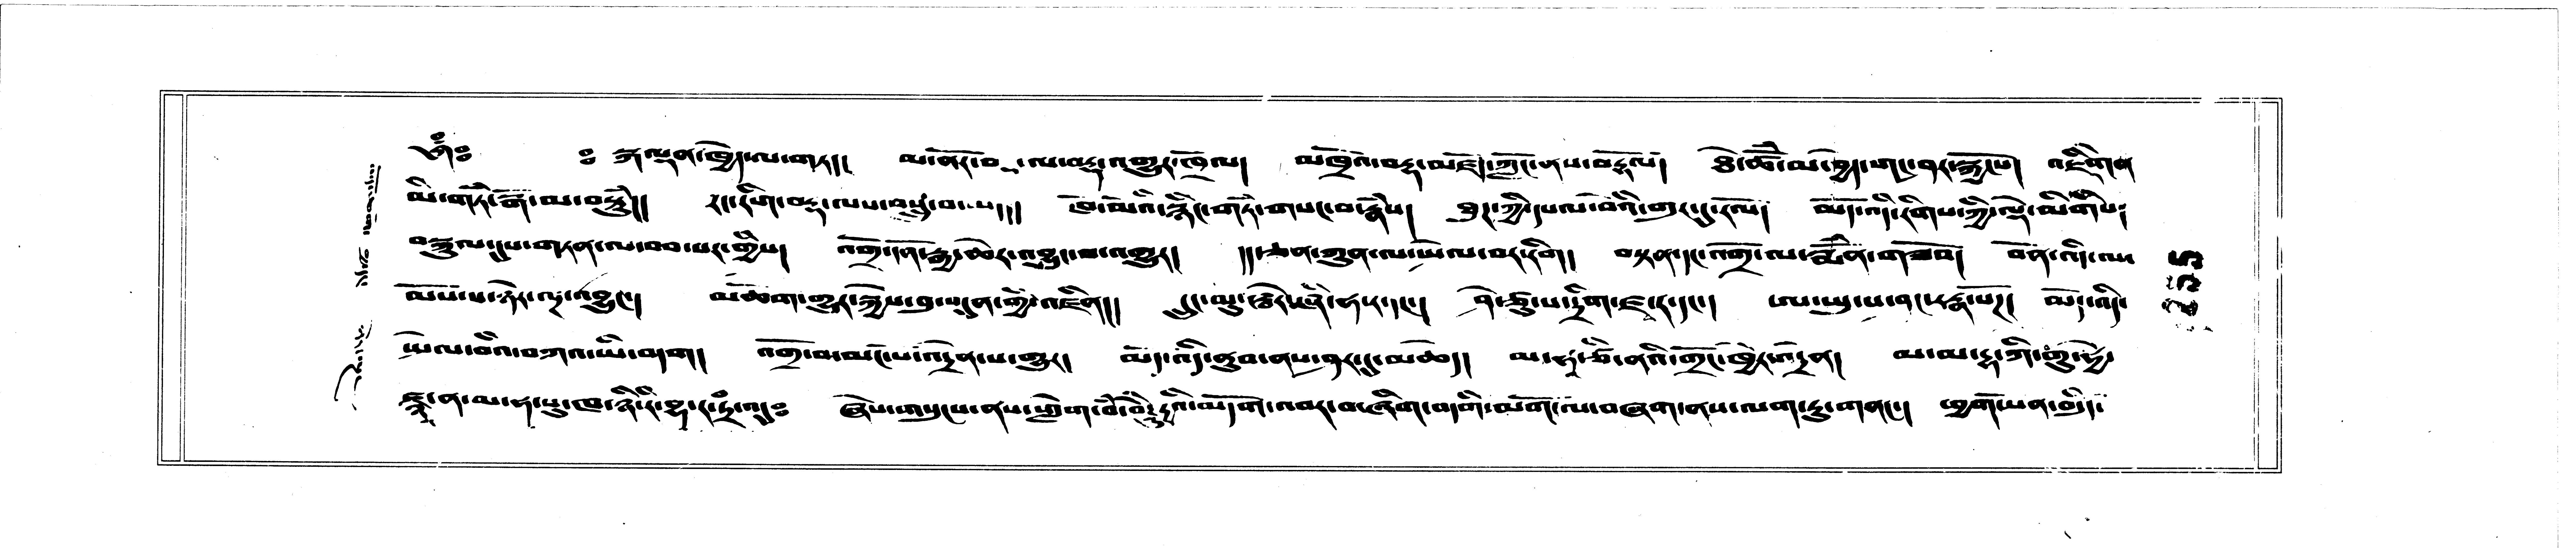སྐལ་ལྡན་ཁྱེད་ལ་གཏདཿ མ་ནོར་བུ་ལ་བརྡ་འགྱུར་ཁྲོལཿ མཁའ་འགྲོ་བརྡ་འགྱུར་ཀློང་ནས་བརྡོལཿ ཐེ་ཚོམ་མ་བྱེད་གང་ཤར་སྐྱོངསཿ འཇིག་རྟེན་
མི་གཏམ་སྒོ་མ་བསྟུནཿ རང་རིག་བརྡ་ལས་བསླུ་བ་མེདཿ ཁོ་མོའི་སྙིང་གཏམ་གསང་བ་རྣམསཿ ཐུགས་ཀྱི་དཔལ་བེའུ་གུར་དུ་རོལཿ མདོ་འདི་རིགས་ཀྱི་ལྡེ་མིག་གིསཿ 
བསྐུལ་དུས་གཏན་ལ་ཕབ་པར་གྱིསཿ འགྲོ་དོན་རྒྱ་ཆེར་འབྱུང་བར་འགྱུརཿ དད་ཅན་ཀུན་ལ་སྤེལ་བར་རིགསཿ བསྟན་དང་འགྲོ་ལ་སྨོན་ལམ་གཟོབསཿ བོན་འདི་ལ་
མོས་པ་ཉེར་ལྔ་འབྱུངཿ མཆོག་གྱུར་སྐྱེས་བུ་བདུན་གྱིས་འཛིནཿ དྲུང་མུ་ཝེར་ཞི་ཧ་ར་དངཿ ཤེ་ཙུ་ས་ཏྲིག་ཛཱ་ར་དངཿ ཨ་ཡུ་པ་ཤང་རདྣ་སོགསཿ མདོ་འདི་
སྤེལ་བའི་བཀའ་ཡི་བདགཿ འགྲོ་བ་མང་པོ་འདྲེན་པར་འགྱུརཿ མདོ་འདི་ནུབ་ནས་ཤར་དུ་མཆེདཿ མ་ཧཱ་ཙི་ནའི་གྲོང་ཁྱེར་འདྲེནཿ མ་དྷ་ཀི་གུ་ཧྱེ་
ཛྙཱ་ན་མ་ཧ་སུ་ཁ་ཉི་རི་བྷ་ར་ཏྲང་འདུཿ ཞེས་གསུངས་ནས་གླེགས་བམ་བཱཻཌཱུརྱའི་མདོག་འབར་བ་ཞིག་བདག་གི་མགོ་ལ་བཞག་ནས་ལག་ཏུ་གནངཿ ཕྱག་གཡོན་བདུད་རྩི་